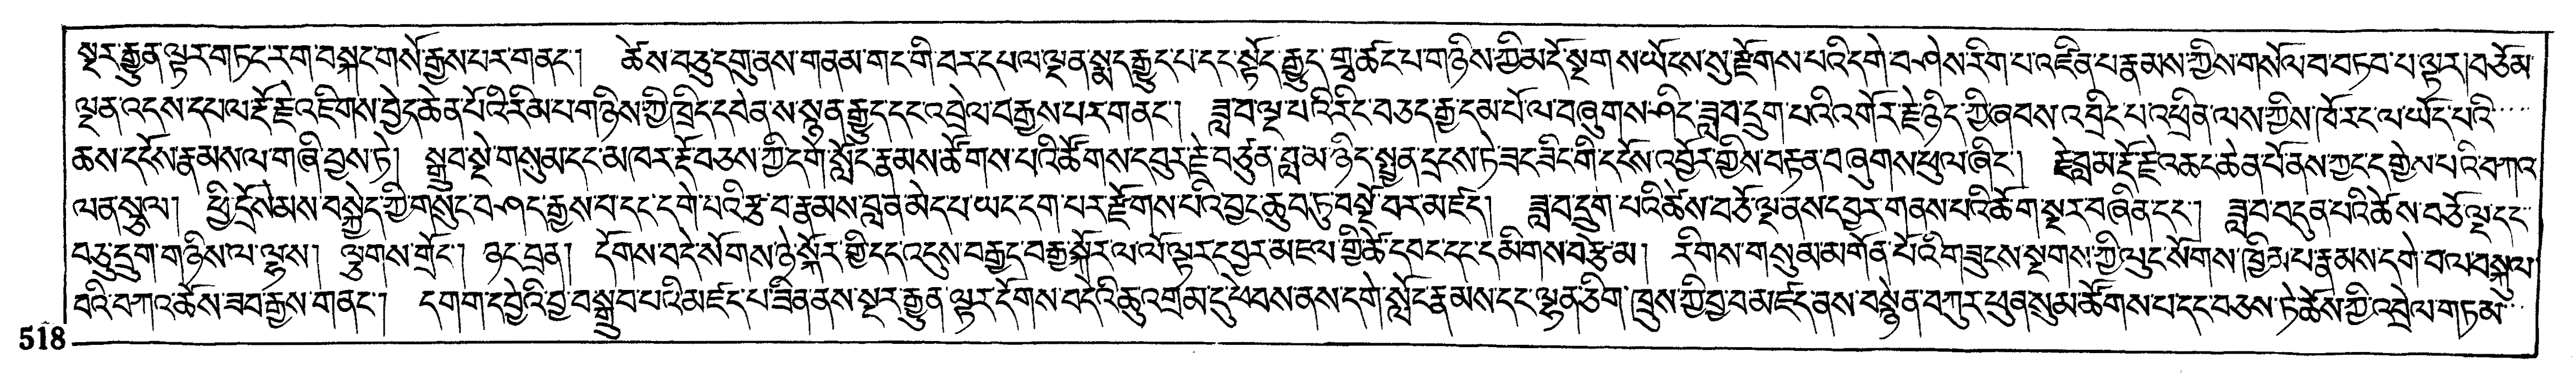སྔར་རྒྱུན་ལྟར་གཏང་རག་བསྐང་གསོ་རྒྱས་པར་གནང་། ཚེས་བཅུ་དགུ་ནས་གནམ་གང་གི་བར་དཔལ་ལྡན་སྨད་རྒྱུད་བ་དང་སྟོད་རྒྱུད་གྲྭ་ཚང་པ་གཉིས་ཀྱི་མདོ་སྔགས་ཡོངས་སུ་རྫོགས་པའི་དགེ་བཤེས་རིག་པ་འཛིན་པ་རྣམས་ཀྱིས་གསོལ་བ་བཏབ་པ་ལྟར། བཅོམ་
ལྡན་འདས་དཔལ་རྡོ་རྗེ་འཇིགས་བྱེད་ཆེན་པོའི་རིམ་པ་གཉིས་ཀྱི་ཁྲིད་དབེན་ས་སྙན་རྒྱུད་དང་འབྲེལ་བརྒྱས་པར་གནང་། ཟླ་བ་ལྔ་པའི་རིང་བཅད་རྒྱ་དམ་པོ་ལ་བཞུགས་ཤིང་ཟླ་བ་དྲུག་པའི་འགོར་རྗེ་ཉིད་ཀྱི་ཞབས་འབྲིང་པ་འཕྲིན་ལས་ཀྱིས་ཁོ་རང་ལ་ཡོད་པའི་
ཆས་དངོས་རྣམས་ལ་གཞི་བྱས་ཏེ། སྒྲུབ་སྔེ་གསུམ་དང་མཁར་རྡོ་བཅས་ཀྱི་དགེ་སློང་རྣམས་ཚོགས་པའི་ཚོགས་དབུར་རྗེ་བཙུན་བླ་མ་ཉིད་སྤྱན་དྲངས་ཏེ་ཟང་ཟིང་གི་དངོས་འབྱོར་གྱིས་བརྟན་བཞུགས་ཕུལ་ཞིང་། རྗེ་བླ་མ་རྡོ་རྗེ་འཆང་ཆེན་པོ་ནས་ཀྱང་དགྱེས་པའི་བཀའ་
ལན་སྩལ། ཕྱི་དྲོ་སེམས་བསྐྱེད་ཀྱི་གསུང་བཤད་རྒྱས་པ་དང་དགེ་བའི་རྩ་བ་རྣམས་བླ་ན་མེད་པ་ཡང་དག་པར་རྫོགས་པའི་བྱང་ཆུབ་ཏུ་བསྔོ་བར་མཛད། ཟླ་བ་དྲུག་པའི་ཚེས་བཅོ་ལྔ་ནས་དབྱར་གནས་པའི་ཆོག་སྔར་བཞིན་དང་། ཟླ་བ་བདུན་པའི་ཚེས་བཅོ་ལྔ་དང་
བཅུ་དྲུག་གཉིས་ལ་།ལྷ་ས། ལྕགས་གྲོང་། ཉང་བྲན། དོགས་བདེ་སོགས་ཉེ་སྐོར་གྱི་དད་འདུས་བརྒྱད་བརྒྱ་སྐོར་ལ་ལོ་ལྟར་དབྱར་མཇལ་གྱི་ཚེ་དབང་དང་དམིགས་བརྩེ་མ། རིགས་གསུམ་མགོན་པོའི་གཟུངས་སྔགས་ཀྱི་ལུང་སོགས་ཁྱིམ་པ་རྣམས་དགེ་བ་ལ་བསྐུལ་
བའི་བཀའ་ཆོས་ཟབ་རྒྱས་གནང་། དགག་དབྱེའི་བྱ་བསྒྲུབ་པའི་མཛད་པ་ཟིན་ནས་སྔར་རྒྱུན་ལྟར་དོགས་བདེའི་ཆུ་འགྲམ་དུ་ཕེབས་ནས་དགེ་སློང་རྣམས་དང་ལྷན་ཅིག་ཁྲུས་ཀྱི་བྱ་བ་མཛད་ནས་བསྙེན་བཀུར་ཕུན་སུམ་ཚོགས་པ་དང་བཅས་ཏེ་ཆོས་ཀྱི་འབྲེལ་གཏམ་